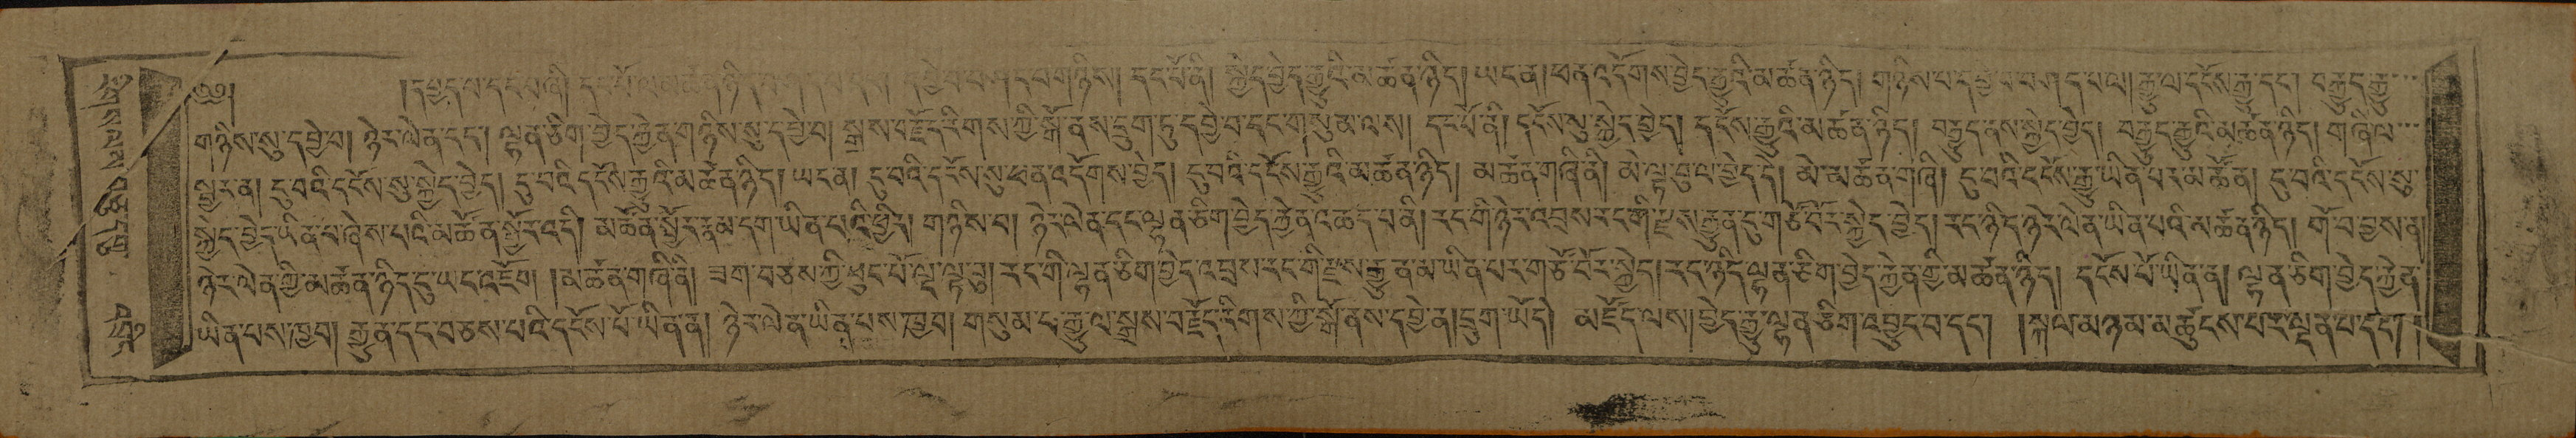༄༅། །དཔྱད་པ་དང་བཞི། དང་པོ་ལ་མཚན་ཉིད་བཤད་པ་དང་། དབྱེ་བ་བཤད་པ་གཉིས། དང་པོ་ནི། སྐྱེད་བྱེད་རྒྱུའི་མཚན་ཉིད། ཡང་ན། ཕན་འདོགས་བྱེད་རྒྱུའི་མཚན་ཉིད། གཉིས་པ་དབྱེ་བ་བཤད་པ་ལ། རྒྱུ་ལ་དངོས་རྒྱུ་དང་། བརྒྱུད་རྒྱུ་
གཉིས་སུ་དབྱེ་བ། ཉེར་ལེན་དང་། ལྷན་ཅིག་བྱེད་རྐྱེན་གཉིས་སུ་དབྱེ་བ། སྒྲས་བརྗོད་རིགས་ཀྱི་སྒོ་ནས་དྲུག་ཏུ་དབྱེ་བ་དང་གསུམ་ལས། དང་པོ་ནི། དངོས་སུ་སྐྱེད་བྱེད། དངོས་རྒྱུའི་མཚན་ཉིད། བརྒྱུད་ནས་སྐྱེད་བྱེད། བརྒྱུད་རྒྱུའི་མཚན་ཉིད། གཞི་ལ་
སྦྱར་ན། དུ་བའི་དངོས་སུ་སྐྱེད་བྱེད། དུ་བའི་དངོས་རྒྱུའི་མཚན་ཉིད། ཡང་ན། དུ་བའི་དངོས་སུ་ཕན་འདོགས་བྱེད། དུ་བའི་དངོས་རྒྱུའི་མཚན་ཉིད། མཚན་གཞི་ནི། མེ་ལྟ་བུ་ལ་བྱེད་དེ། མེ་མཚན་གཞི། དུ་བའི་དངོས་རྒྱུ་ཡིན་པར་མཚོན། དུ་བའི་དངོས་སུ་
སྐྱེད་བྱེད་ཡིན་པ་ཞེས་པའི་མཚོན་སྦྱོར་འདི། མཚོན་སྦྱོར་རྣམ་དག་ཡིན་པའི་ཕྱིར། གཉིས་པ། ཉེར་ལེན་དང་ལྷན་ཅིག་བྱེད་རྐྱེན་འཆད་པ་ནི། རང་གི་ཉེར་འབྲས་རང་གི་རྫས་རྒྱུན་དུ་གཙོ་བོར་སྐྱེད་བྱེད། རང་ཉིད་ཉེར་ལེན་ཡིན་པའི་མཚན་ཉིད། གོ་བ་བྱས་ན་
ཉེར་ལེན་གྱི་མཚན་ཉིད་དུ་ཡང་འཇོག །མཚན་གཞི་ནི། ཟག་བཅས་ཀྱི་ཕུང་པོ་ལྔ་ལྟ་བུ། རང་གི་ལྷན་ཅིག་བྱེད་འབྲས་རང་གི་རྫས་རྒྱུན་མ་ཡིན་པར་གཙོ་བོར་སྐྱེད། རང་ཉིད་ལྷན་ཅིག་བྱེད་རྐྱེན་གྱི་མཚན་ཉིད། དངོས་པོ་ཡིན་ན། ལྷན་ཅིག་བྱེད་རྐྱེན་
ཡིན་པས་ཁྱབ། རྒྱུན་དང་བཅས་པའི་དངོས་པོ་ཡིན་ན། ཉེར་ལེན་ཡིན་པས་ཁྱབ། གསུམ་པ་རྒྱུ་ལ་སྒྲས་བརྗོད་རིགས་ཀྱི་སྒོ་ནས་དབྱེ་ན། དྲུག་ཡོད་དེ། མཛོད་ལས། བྱེད་རྒྱུ་ལྷན་ཅིག་འབྱུང་བ་དང་། །སྐལ་མཉམ་མཚུངས་པར་ལྡན་པ་དང་། །